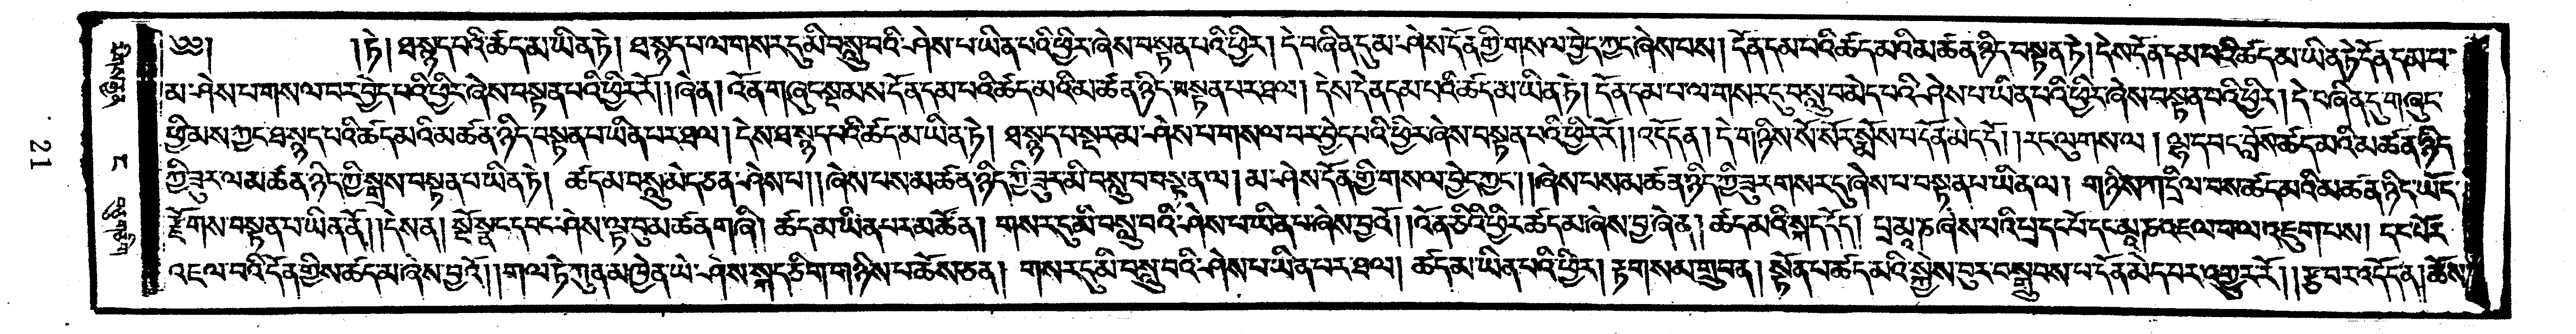༄༅། །ཏེ༑ ཐ་སྙད་པའི་ཚད་མ་ཡིན་ཏེ། ཐ་སྙད་པ་ལ་གསར་དུ་མི་བསླུ་བའི་ཤེས་པ་ཡིན་པའི་ཕྱིར་ཞེས་བསྟན་པའི་ཕྱིར། དེ་བཞིན་དུ་མ་ཤེས་དོན་གྱི་གསལ་བྱེད་ཀྱང་ཞེས་པས། དོན་དམ་པའི་ཚད་མའི་མཚན་ཉིད་བསྟན་ཏེ། དེས་དོན་དམ་པའི་ཚད་མ་ཡིན་ཏེ་དོན་དམ་པ་
མ་ཤེས་པ་གསལ་བར་བྱེད་པའི་ཕྱིར་ཞེས་བསྟན་པའི་ཕྱིར་རོ། །ཞེ་ན། འོ་ན་གཞུང་སྔ་མས་དོན་དམ་པའི་ཚད་མའི་མཚན་ཉིད་བསྟན་པར་ཐལ། དེས་དོན་དམ་པའི་ཚད་མ་ཡིན་ཏེ། དོན་དམ་པ་ལ་གསར་དུ་བསླུ་བ་མེད་པའི་ཤེས་པ་ཡིན་པའི་ཕྱིར་ཞེས་བསྟན་པའི་ཕྱིར། དེ་བཞིན་དུ་གཞུང་
ཕྱི་མས་ཀྱང་ཐ་སྙད་པའི་ཚད་མའི་མཚན་ཉིད་བསྟན་པ་ཡིན་པར་ཐལ། དེས་ཐ་སྙད་པའི་ཚད་མ་ཡིན་ཏེ། ཐ་སྙད་པ་སྔར་མ་ཤེས་པ་གསལ་བར་བྱེད་པའི་ཕྱིར་ཞེས་བསྟན་པའི་ཕྱིར་རོ། །འདོད་ན། དེ་གཉིས་སོ་སོར་སྨོས་པ་དོན་མེད་དོ། །རང་ལུགས་ལ། ལྷ་དབང་བློས་ཚད་མའི་མཚན་ཉིད་
ཀྱི་ཟུར་ལ་མཚན་ཉིད་ཀྱི་སྒྲས་བསྟན་པ་ཡིན་ཏེ། ཚད་མ་བསླུ་མེད་ཅན་ཤེས་པ། །ཞེས་པས་མཚན་ཉིད་ཀྱི་ཟུར་མི་བསླུ་བ་བསྟན་ལ། མ་ཤེས་དོན་གྱི་གསལ་བྱེད་ཀྱང་། །ཞེས་པས་མཚན་ཉིད་ཀྱི་ཟུར་གསར་དུ་ཞེས་པ་བསྟན་པ་ཡིན་ལ། གཉིས་ཀ་དྲིལ་པས་ཚད་མའི་མཚན་ཉིད་ཡོངས་
རྫོགས་བསྟན་པ་ཡིན་ནོ། །དེས་ན། སྔོ་སྣང་དབང་ཤེས་ལྟ་བུ་མཚན་གཞི། ཚད་མ་ཡིན་པར་མཚོན། གསར་དུ་མི་བསླུ་བའི་ཤེས་པ་ཡིན་པ་ཞེས་བྱའོ། །འོ་ན་ཅིའི་ཕྱིར་ཚད་མ་ཞེས་བྱ་ཞེ་ན། ཚད་མའི་སྐད་དོད། པྲ་མཱ་ཎ་ཞེས་པའི་པྲ་དང་པོ་དང་མཱ་ཎ་འཇལ་བ་ལ་འཇུག་པས། དང་པོར་
འཇལ་བའི་དོན་གྱིས་ཚད་མ་ཞེས་བྱའོ། །གལ་ཏེ་ཀུན་མཁྱེན་ཡེ་ཤེས་སྐད་ཅིག་གཉིས་པ་ཆོས་ཅན། གསར་དུ་མི་བསླུ་བའི་ཤེས་པ་ཡིན་པར་ཐལ། ཚད་མ་ཡིན་པའི་ཕྱིར། རྟགས་མ་གྲུབ་ན། སྟོན་པ་ཚད་མའི་སྐྱེས་བུར་བསྒྲུབས་པ་དོན་མེད་པར་འགྱུར་རོ། །རྩ་བར་འདོད་ན། ཆོས་